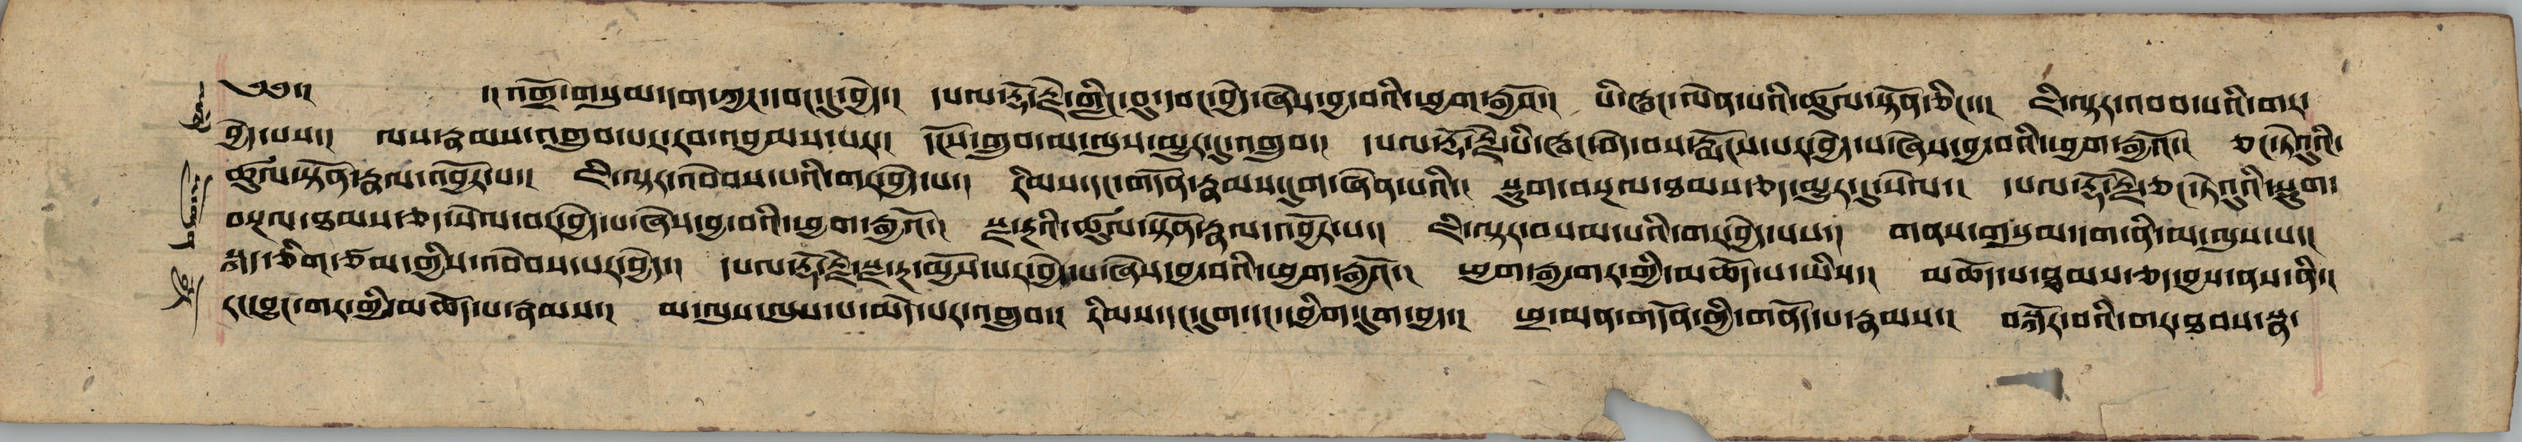༄༅་། ་།འགྲོ་གསུམ་དག་ཀྱང་དབང་དུ་བྱེད་། དཔལ་རྡོ་རྗེ་གླིང་བུ་དབང་བྱེད་ཞེས་བྱ་བའི་ཕྱག་རྒྱའོ་། པི་ཝང་ལེན་པའི་ཚུལ་སྟོན་ཅིང་་། ཇི་ལྟར་འབབ་པའི་གར་
བྱེད་པས་། ལས་རྣམས་འགྲུབ་པར་རབ་འབྱམས་པར་། དངོས་གྲུབ་མ་ལུས་མྱུར་དུ་འགྲུབ་། དཔལ་རྡོ་རྗེ་པི་ཝང་བདེ་བས་རྨོངས་པར་བྱེད་པ་ཞེས་བྱ་བའི་ཕྱག་རྒྱའོ་། ཅང་ཏེའུའི་
ཚུལ་སྟོན་རྣལ་འབྱོར་པ་། ཇི་ལྟར་འབེབས་པའི་གར་བྱེད་པ་། རིམས་དང་གདོན་རྣམས་དུག་ཞེན་པའི་། སྡུག་བསྔལ་ཐམས་ཅད་མྱུར་དུ་སེལ་། དཔལ་རྡོ་རྗེ་ཅང་ཏེའུའི་སྡུག་
བསྔལ་ཐམས་ཅད་སེལ་བར་བྱེད་པ་ཞེས་བྱ་བའི་ཕྱག་རྒྱའོ་། སྫ་རྔའི་ཚུལ་སྟོན་རྣལ་འབྱོར་པ་། ཇི་ལྟར་བསམ་པའི་གར་བྱེད་པས་། གནས་གསུམ་དག་ནི་མ་ལུས་པ་།
སྐད་ཅིག་ཙམ་གྱིས་འབེབས་པར་བྱེད་། དཔལ་རྡོ་རྗེ་སྫ་རྔ་མྱོས་པར་བྱེད་པ་ཞེས་བྱ་བའི་ཕྱག་རྒྱའོ་། ཕྱག་རྒྱ་གར་གྱི་མཆོད་པ་ཡིས་། མཆོད་པ་ཐམས་ཅད་བྱས་ནས་ནི་།
རང་བྱུང་གར་གྱི་མཆོད་པ་རྣམས་། མ་ལུས་ལུས་པ་མེད་པར་འགྲུབ་། རིམས་དང་དུག་དང་དབྱིག་དུག་བྱད་། ཕྲ་མན་གདོན་གྱི་གནོད་པ་རྣམས་། བསྐོར་བའི་གར་ཐབས་སྣ་